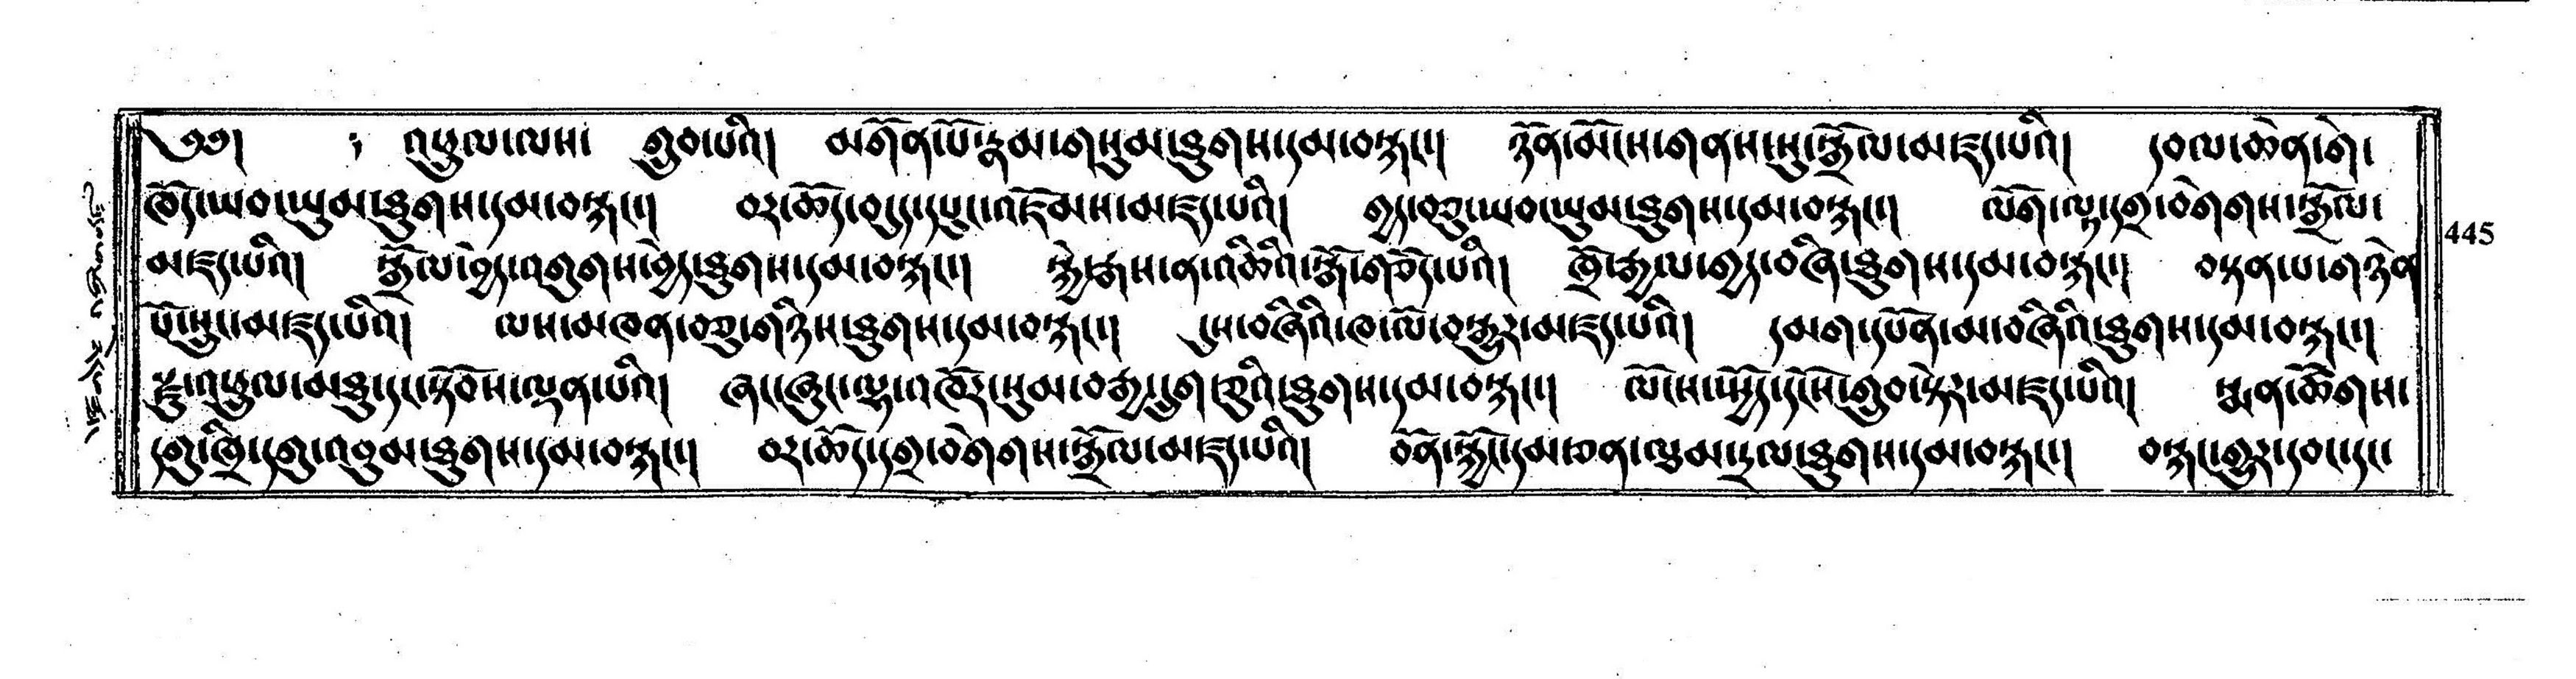འཕྲུལ་ལས་གྲུབ་པའི། མགོན་པོ་རྣམ་གསུམ་ཐུགས་དམ་བསྐང་། ཉོན་མོངས་གནས་སུ་སྒྲོལ་མཛད་པའི། དབལ་ཆེན་གེ་
ཁོད་ཡབ་ཡུམ་ཐུགས་དམ་བསྐང་། བར་ཆོད་བདུད་དཔུང་འཇོམས་མཛད་པའི། {458}གྱད་བཅུ་ཡབ་ཡུམ་ཐུགས་དམ་བསྐང་། ལོག་ལྟ་དགྲ་བགེགས་སྒྲོལ་
མཛད་པའི། སྒྲོལ་བྱེད་འགུགས་བྱེད་ཐུགས་དམ་བསྐང་། སྐྱེ་རྒས་ན་འཆིའི་སྒོ་གཅོད་པའི། ཁྲོ་རྒྱལ་གྱད་བཞི་ཐུགས་དམ་བསྐང་། བསྟན་པ་གཉན་
པོ་སྲུང་མཛད་པའི། ལས་མཁན་བཅུ་གཉིས་ཐུགས་དམ་བསྐང་། དུས་བཞིའི་ཁ་ལོ་བསྒྱུར་མཛད་པའི། དམག་དཔོན་མ་བཞིའི་ཐུགས་དམ་བསྐང་། 
རྫུ་འཕྲུལ་མཐུ་དང་སྟོབས་ལྡན་པའི། ཞང་ཞུང་ལྷ་འཁོར་སུམ་བརྒྱ་དྲུག་ཅུའི་ཐུགས་དམ་བསྐང་། ལོངས་སྤྱོད་དངོས་གྲུབ་སྟེར་མཛད་པའི། སྨན་ཚོགས་
དགུ་ཁྲི་དགུ་འབུམ་ཐུགས་དམ་བསྐང་། བར་ཆོད་དགྲ་བགེགས་སྒྲོལ་མཛད་པའི། བོན་སྐྱོང་དམ་ཅན་ལྕམ་དྲལ་ཐུགས་དམ་བསྐང་། བསྐང་གྱུར་དབང་དང་